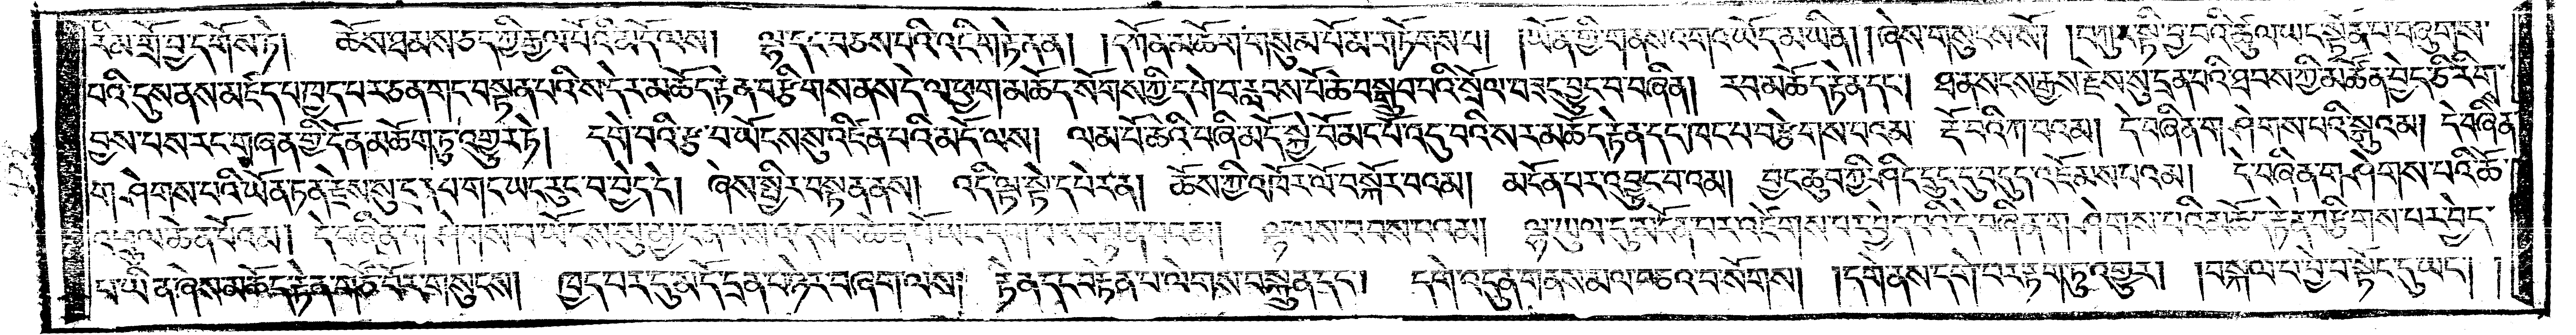རིམ་གྲོ་བྱ་དགོས་ཏེ། ཆོས་ཐམས་ཅད་ཀྱི་རྒྱལ་པོའི་མདོ་ལས། ལྷ་དང་བཅས་པའི་འཇིག་རྟེན་ན། །དཀོན་མཆོག་གསུམ་པོ་མ་གཏོགས་པ། །ཡོན་གྱི་གནས་འགའ་ཡོད་མ་ཡིན། །ཞེས་གསུངས་སོ། །བཀུར་སྟི་བྱ་བའི་ཚུལ་ཡང་སྟོན་པ་བཞུགས་
བའི་དུས་ནས་མཛད་པ་ཁྱད་པར་ཅན་གང་བསྟན་པའི་ས་དེར་མཆོད་རྟེན་བརྩིགས་ནས་དེ་ལ་ཕྱག་མཆོད་སོགས་ཀྱི་དགེ་བ་རླབས་པོ་ཆེ་བསྒྲུབ་པའི་སྲོལ་བཟང་བྱུང་བ་བཞིན། རབ་མཆོད་རྟེན་དང་། ཐ་ན་སངས་རྒྱས་རྗེས་སུ་དྲན་པའི་ཐབས་ཀྱི་མཚོན་བྱེད་ཅི་རིག་
བྱས་པས་རང་གཞན་གྱི་དོན་མཆོག་ཏུ་འགྱུར་ཏེ། དགེ་བའི་རྩ་བ་ཡོངས་སུ་འཛིན་པའི་མདོ་ལས། ལམ་པོ་ཆེའི་བཞི་མདོ་སྐྱེ་བོ་མང་པོ་འདུ་བའི་སར་མཆོད་རྟེན་དང་ཁང་པ་བརྩེགས་པའམ། རྡོ་བའི་ཀ་བའམ། དེ་བཞིན་གཤེགས་པའི་སྐུའམ། དེ་བཞིན་
གཤེགས་བའི་ཡོན་ཏན་རྗེས་སུ་དྲན་པ་གང་ཡང་རུང་བ་བྱེད་དེ། ཞེས་སྤྱིར་བསྟན་ནས། འདི་ལྟ་སྟེ་དཔེར་ན། ཆོས་ཀྱི་འཁོར་ལོ་བསྐོར་བའམ། མངོན་པར་འབྱུང་བའམ། བྱང་ཆུབ་ཀྱི་ཤིང་དྲུང་དུ་བདུད་འཇོམས་པའམ། དེ་བཞིན་གཤེགས་པའི་ཆོ་
འཕྲུལ་ཆེན་པོའམ། དེ་བཞིན་གཤེགས་པ་ཡོངས་སུ་མྱ་ངན་ལས་འདས་པ་ཆེན་པོ་ཡང་དག་པར་བསྟན་པའམ། ལྷ་ལས་བབས་པའམ། ལྷ་ཡུལ་དུ་མངོན་བར་འཛེགས་པར་བྱེད་པའི་དེ་བཞིན་གཤེགས་པའི་མཆོད་རྟེན་བརྩིགས་པར་བྱེད་
པ་ཡིན་ཞེས་མཆོད་རྟེན་གཙོ་བོར་གསུངས། ཁྱད་བར་དུ་མདོ་དྲན་པ་ཉེར་བཞག་ལས། རྟེན་དང་བརྟེན་པ་ལེགས་བསྐྲུན་དང་། དགེ་འདུན་གནས་མལ་བཅའ་བ་སོགས། །དགེ་ནས་དགེ་བར་རྟག་ཏུ་འགྱུར། །བསྐལ་པ་བྱེ་བ་སྟོང་དུ་ཡང།།